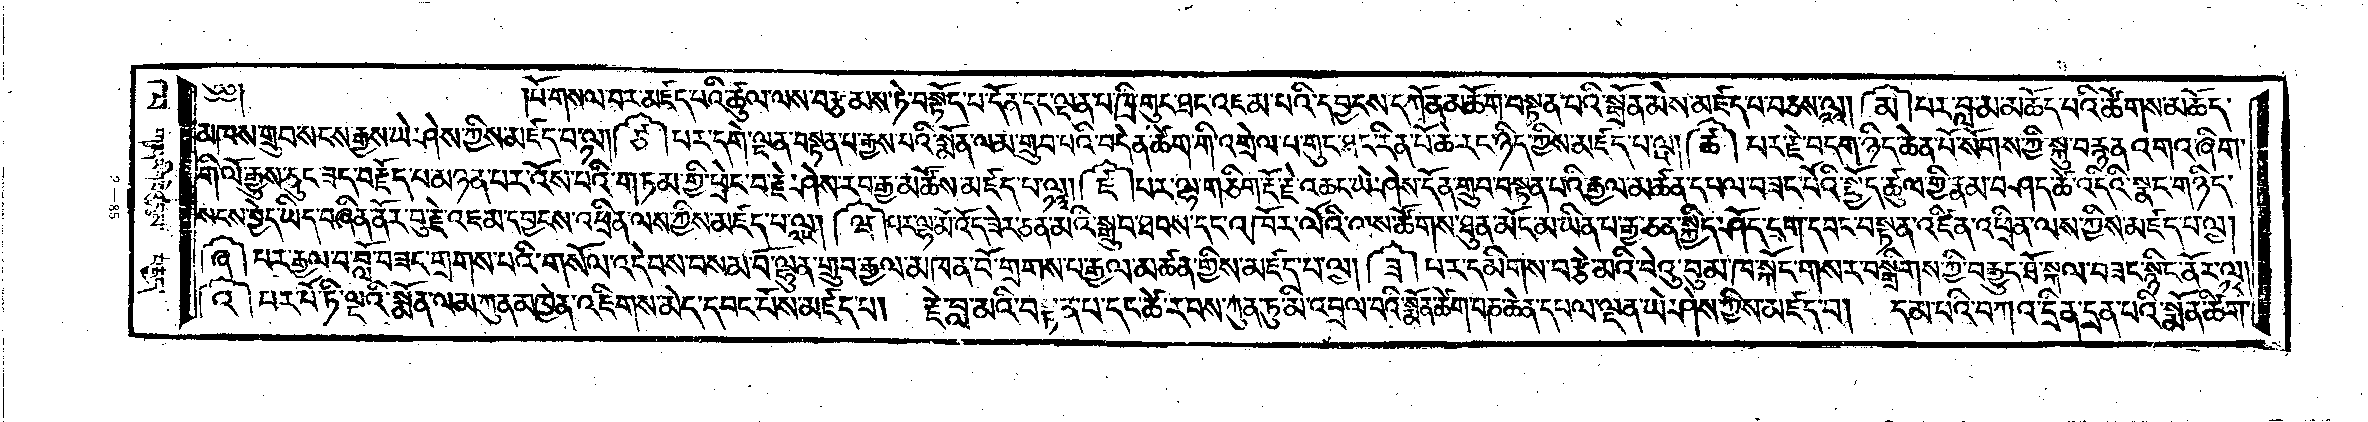༄༅། །པོ་གསལ་བར་མཛད་པའི་ཚུལ་ལས་བརྩམས་ཏེ་བསྟོད་པ་དོན་དང་ལྡན་པ་ཁྲི་གུང་ཐང་འཇམ་པའི་དབྱངས་དཀོན་མཆོག་བསྟན་པའི་སྒྲོན་མེས་མཛད་པ་བཅས་ལ། ༼མ༽ པར་བླ་མ་མཆོད་པའི་ཚོགས་མཆོད་
མཁས་གྲུབ་སངས་རྒྱས་ཡེ་ཤེས་ཀྱིས་མཛད་པ་ལ། ༼ཙ༽ པར་དགེ་ལྡན་བསྟན་པ་རྒྱས་པའི་སྨོན་ལམ་གྲུབ་པའི་བདེན་ཚིག་གི་འགྲེལ་པ་གུང་ཐང་རིན་པོ་ཆེ་རང་ཉིད་ཀྱིས་མཛད་པ་ལ། ༼ཚ༽ པར་རྗེ་བདག་ཉིད་ཆེན་པོ་སོགས་ཀྱི་སྐུ་བརྙན་འགའ་ཞིག་
གི་ལོ་རྒྱུས་ཅུང་ཟད་བརྗོད་པ་མཉན་པར་འོས་པའི་གཏམ་གྱི་ཕྲེང་བ་རྗེ་ཤེས་རབ་རྒྱ་མཚོས་མཛད་པ་ལ། ༼ཛ༽ པར་ལྷ་གཅིག་རྡོ་རྗེ་འཆང་ཡེ་ཤེས་དོན་གྲུབ་བསྟན་པའི་རྒྱལ་མཚན་དཔལ་བཟང་པོའི་སྤྱོད་ཚུལ་གྱི་རྣམ་བཤད་ཚེ་འདིའི་སྣང་གཉིད་
སངས་བྱེད་ཡིད་བཞིན་ནོར་བུ་རྗེ་འཇམ་དབྱངས་འཕྲིན་ལས་ཀྱིས་མཛད་པ་ལ། ༼ཝ༽ པར་ལྷ་མོ་འོད་ཟེར་ཅན་མའི་སྒྲུབ་ཐབས་དང་འཁོར་ལོའི་ལས་ཚོགས་ཐུན་མོང་མ་ཡིན་པ་རྒྱ་ཅན་སྐྱིད་ཤོད་ངག་དབང་བསྟན་འཛིན་འཕྲིན་ལས་ཀྱིས་མཛད་པ་ལ།
༼ཞ༽ པར་རྒྱལ་བ་བློ་བཟང་གྲགས་པའི་གསོལ་འདེབས་བསམ་བ་ལྷུན་གྲུབ་རྒྱལ་མཁན་པོ་གྲགས་པ་རྒྱལ་མཚན་གྱིས་མཛད་པ་ལ། ༼ཟ༽ པར་དམིགས་བརྩེ་མའི་བེའུ་བུམ་ཁ་སྐོང་གསར་བསྒྲིགས་ཀྱི་བརྒྱུད་ཐོ་སྐལ་བཟང་སྙིང་ནོར་ལ་
༼འ༽ པར་པོ་ཏི་ལྔའི་སྨོན་ལམ་ཀུན་མཁྱེན་འཇིགས་མེད་དབང་པོས་མཛད་པ། རྗེ་བླ་མའི་བསྟན་པ་དང་ཚེ་རབས་ཀུན་ཏུ་མི་འབྲལ་བའི་སྨོན་ཚེག་པཎ་ཆེན་དཔལ་ལྡན་ཡེ་ཤེས་ཀྱིས་མཛད་པ། དམ་པའི་བཀའ་དྲིན་དྲན་པའི་སྨོན་ཚིག་